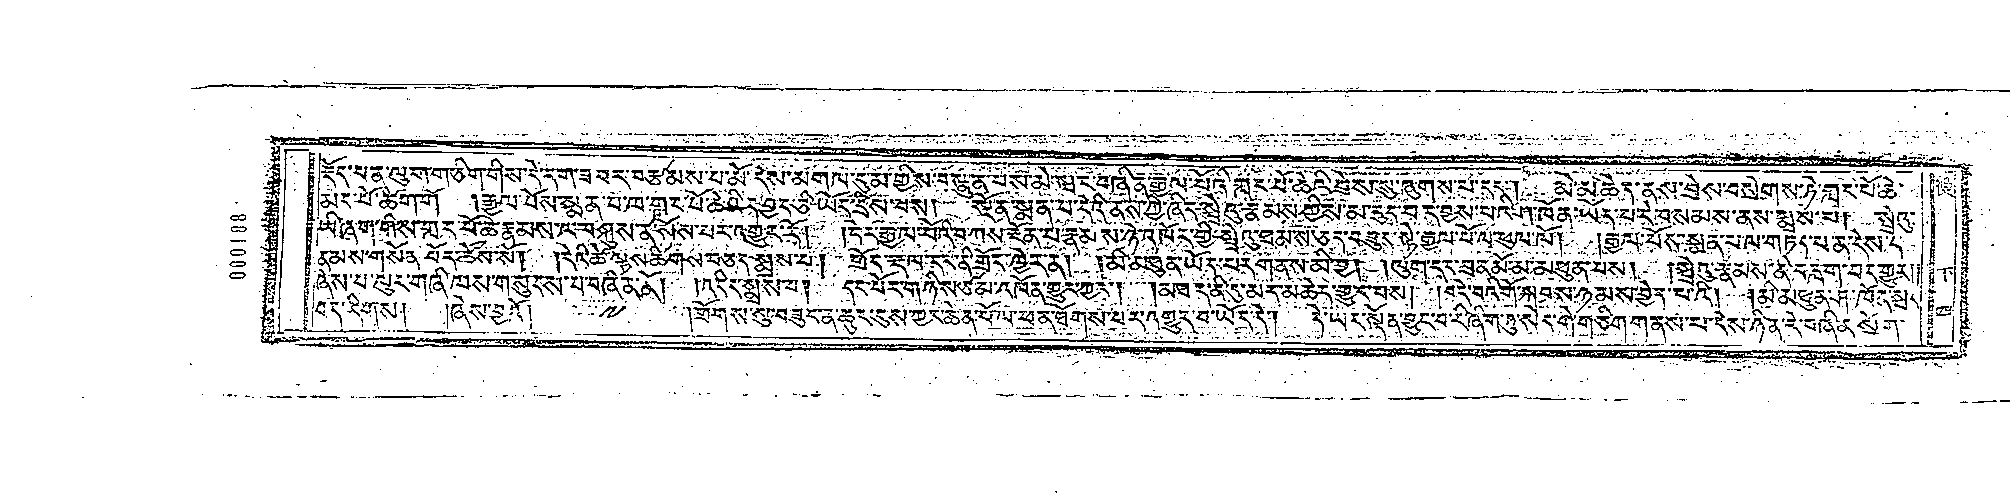རྡོད་པ་ན་ལུག་གཅིག་གིས་དེ་དག་ཟ་བར་བརྩམས་པ་མོ་དེས་མགལ་དུ་མ་གྱིས་བསྣུན་པས་མེ་སྤང་བཞིན་རྒྱལ་པོའི་གླང་པོ་ཆེའི་བྲེས་སུ་ཞུགས་པ་དང་། མེ་མཆེད་ནས་བྲེས་བསྲེགས་ཏེ་གླང་པོ་ཆེ་
མང་པོ་ཚིག་གོ །རྒྱལ་པོས་སྨན་པ་ཁ་གླང་པོ་ཆེའི་དཔྱད་ཅི་ཡོད་དྲིས་པས། སྔོན་སྨན་པ་དེའི་ནས་ཀྱི་ཞིང་སྤྲེའུ་རྣམས་ཀྱིས་མ་རུང་བར་བྱས་པའི་ཤ་ཁོ་ན་ཡོད་པ་དེ་བསམས་ནས་སྨྲས་པ། སྤྲེའུ་
ཡི་ཞག་གིས་གླང་པོ་ཆེ་རྣམས་ལ་བསྐུས་ན་སོས་པར་འགྱུར་རོ། །དེར་རྒྱལ་པོའི་བཀས་རྔོན་པ་རྣམས་ཉེ་འཁོར་གྱི་སྤྲེའུ་ཐམས་ཅད་བཟུང་སྟེ་རྒྱལ་པོ་ལ་ཕུལ་ལོ། །རྒྱལ་པོས་སྨན་པ་ལ་གཏད་པ་ན་དེས་ད་
རྣམས་གསོན་བོར་ཆོས་སོ། །དེའི་ཚེ་ལྟས་ཚིགས་བཅད་སྨྲས་པ། གྲོང་རྡལ་དང་ནི་གྲོང་ཁྱེར་ན། །མི་མཐུན་ཡོད་པར་གནས་མི་བྱ། །ལུག་དང་བྲན་མོ་མ་མཐུན་པས། །སྤྲེའུ་རྣམས་ནི་བརླག་བར་གྱུར།།
ཞེས་པ་ལུང་གཞི་ལས་གསུངས་པ་བཞིན་ནོ། །འདིར་སྨྲས་པ། དང་པོར་གཉིས་ཙམ་འཁོན་གྱུར་ཀྱང་། །མཐར་ནི་དུ་མར་མཆོད་གྱུར་པས། །བདེ་བའི་གོ་སྐབས་ཉམས་བྱེད་པའི། །མི་མཐུན་ཤ་ཁོ་ན་སྤང་
བར་རིགས། །ཞེས་བྱའོ། ༧་།གྲོགས་སུ་བཟུང་ན་ཆུང་དུས་ཀྱང་ཆེན་པོ་ལ་ཕན་ཐོགས་པར་འགྱུར་བ་ཡོད་དེ། དེ་ཡང་སྔོན་བྱུང་བ་རི་ཞིག་ཏུ་སེང་གེ་གཅིག་གནས་པ་དེས་ཉིན་རེ་བཞིན་སྲོག་